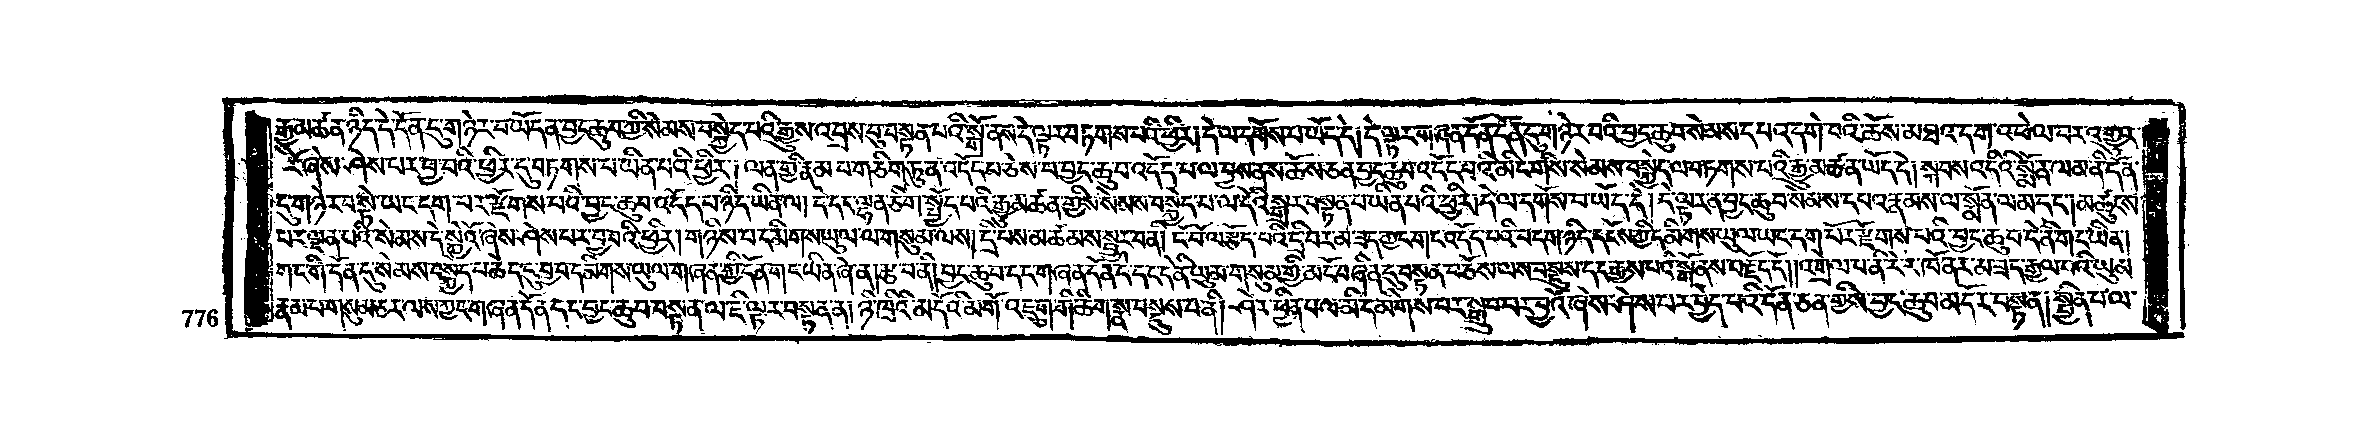རྒྱུ་མཚན་ཉིད་དེ་དོན་དུ་གཉེར་བ་ཡོད་ན་བྱང་ཆུབ་ཀྱི་སེམས་བསྐྱེད་པའི་རྒྱུས་འབྲས་བུ་བསྟན་པའི་སྒོ་ནས་དེ་ལྟར་བཏགས་པའི་ཕྱིར། དེ་ལ་དགོས་པ་ཡོད་དེ། དེ་ལྟར་གཞན་དོན་དོན་དུ་གཉེར་བའི་བྱང་ཆུབ་སེམས་དཔའ་དགེ་བའི་ཆོས་མཐའ་དག་འཕེལ་བར་འགྱུར་
རོ་ཞེས་ཤེས་པར་བྱ་བའི་ཕྱིར་དུ་བཏགས་པ་ཡིན་པའི་ཕྱིར། ལན་གྱི་རྣམ་པ་གཅིག་ཏུ་ནི་འདོད་པ་ཅེས་པ་བྱང་ཆུབ་འདོད་པ་ལ་བྱས་ནས་ཆོས་ཅན་བྱང་ཆུབ་འདོད་པའི་མིང་གིས་སེམས་བསྐྱེད་ལ་བཏགས་པའི་རྒྱུ་མཚན་ཡོད་དེ། སྐབས་འདིའི་སྨོན་ལམ་ནི་དོན་
དུ་གཉེར་བ་སྟེ་ཡང་དག་པར་རྫོགས་པའི་བྱང་ཆུབ་འདོད་པ་ཉིད་ཡིན་ལ། དེ་དང་ལྷན་ཅིག་སྤྱོད་པའི་རྒྱུ་མཚན་གྱིས་སེམས་བསྐྱེད་པ་ལ་དེའི་སྒྲར་བསྟན་པ་ཡིན་པའི་ཕྱིར། དེ་ལ་དགོས་པ་ཡོད་དེ། དེ་ལྟར་ན་བྱང་ཆུབ་སེམས་དཔའ་རྣམས་ལ་སྨོན་ལམ་དང་། མཚུངས་
པར་ལྡན་པའི་སེམས་དེ་སྐྱེའོ་ཞེས་ཤེས་པར་བྱ་བའི་ཕྱིར། གཉིས་པ་དམིགས་ཡུལ་ལ་གསུམ་ལས། དྲི་པས་མཚམས་སྦྱར་བ་ནི། ངོ་བོ་ལ་རྩོད་པའི་དྲི་བར་མ་ཟད་ཀྱང་གང་འདོད་པའི་བདག་ཉིད་དངོས་ཀྱི་དམིགས་ཡུལ་ཡང་དག་པོར་རྫོགས་པའི་བྱང་ཆུབ་དེ་ནི་གང་ཡིན།
གང་གི་དོན་དུ་སེམས་བསྐྱེད་པ་ཆེད་དུ་བྱ་བ་དམིགས་ཡུལ་གཞན་གྱི་དོན་གང་ཡིན་ཞེ་ན། རྩ་བ་ནི། བྱང་ཆུབ་དང་གཞན་དོན་དེ་དང་དེ་ནི་ཡུམ་གསུམ་གྱི་མདོ་བཞིན་དུ་བསྟན་བཅོས་ལས་བསྡུས་དང་རྒྱས་པའི་སྒོ་ནས་བརྗོད་དོ། །འགྲེལ་བ་ནི་རེ་རེ་ཁོ་ནར་མ་ཟད་རྒྱལ་བའི་ཡུམ་
རྣམ་པ་གསུམ་ཅར་ལས་ཀྱང་གཞན་དོན་དང་བྱང་ཆུབ་བསྟན་ལ་ཇི་ལྟར་བསྟན་ན། ཉི་ཁྲིའི་མདོའི་མགོ་འཇུག་གི་ཚིག་སྣ་བསྡུས་པ་ནི། ཤེར་ཕྱིན་པ་ལ་མི་དམིགས་པར་སྒྲུབ་པར་བྱའོ་ཞེས་ཤེས་པར་བྱེད་པའི་དོན་ཅན་གྱིས་བྱང་ཆུབ་མདོར་བསྟན། སྦྱིན་པ་ལ་